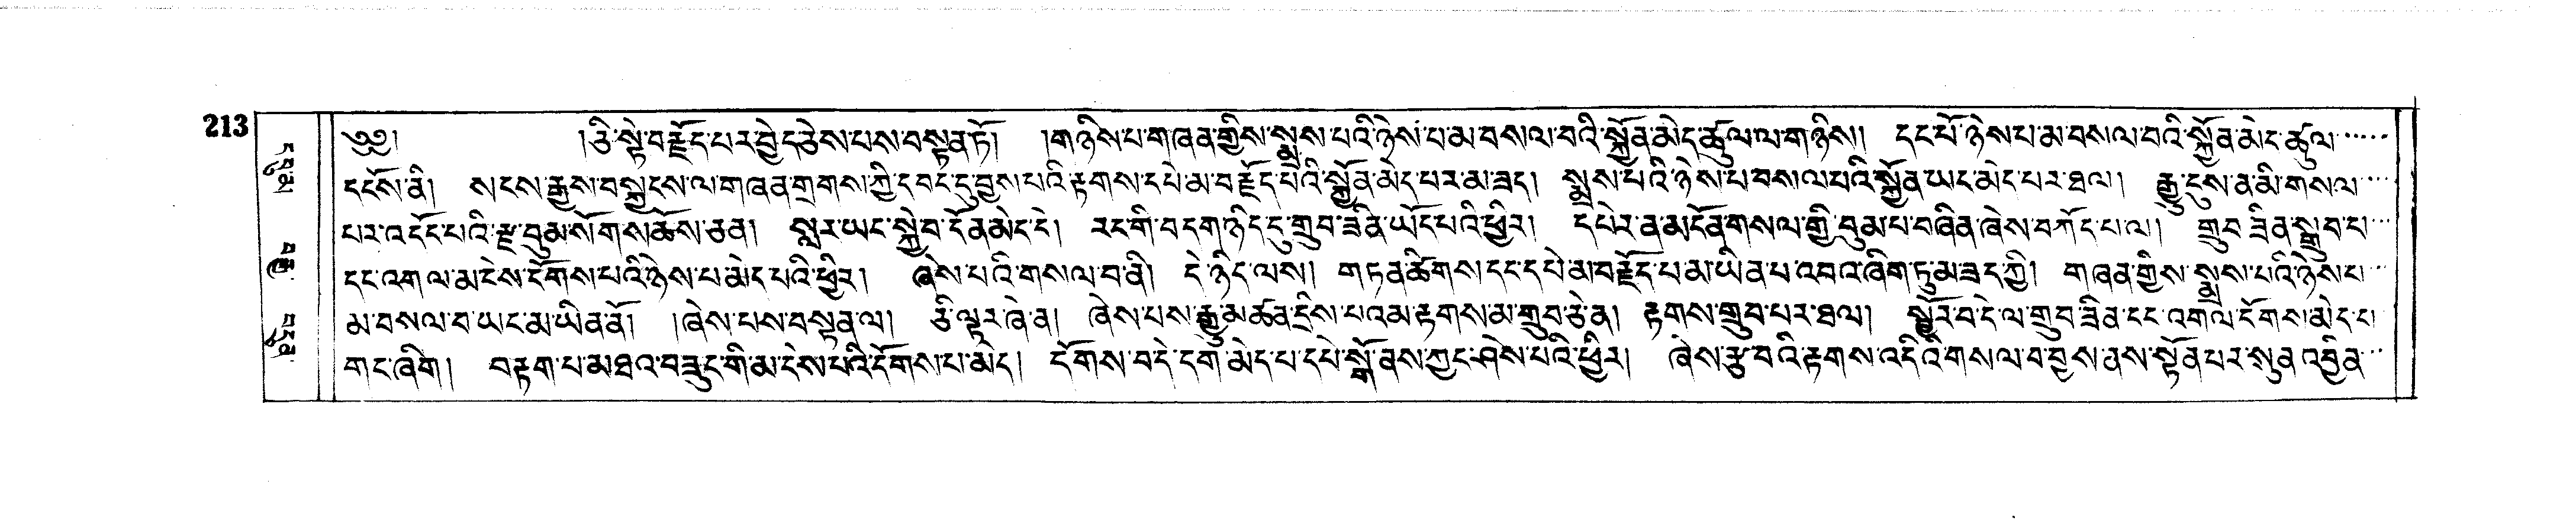༄༅། །ཅི་སྟེ་བརྗོད་པར་བྱེད་ཅེས་པས་བསྟན་ཏོ། །གཉིས་པ་གཞན་གྱིས་སྨྲས་པའི་ཉེས་པ་མ་བསལ་བའི་སྐྱོན་མེད་ཚུལ་ལ་གཉིས། དང་པོ་ཉེས་པ་མ་བསལ་བའི་སྐྱོན་མེད་ཚུལ་
དངོས་ནི། སངས་རྒྱས་བསྐྱངས་ལ་གཞན་གྲགས་ཀྱི་དབང་དུ་བྱས་པའི་རྟགས་དཔེ་མ་བརྗོད་པའི་སྐྱོན་མེད་པར་མ་ཟད། སྨྲས་པའི་ཉེས་པ་བསལ་བའི་སྐྱོན་ཡང་མེད་པར་ཐལ། རྒྱུ་དུས་ན་མི་གསལ་
པར་འདོད་པའི་རྫ་བུམ་སོགས་ཆོས་ཅན། སླར་ཡང་སྐྱེ་བ་དོན་མེད་དེ། རང་གི་བདག་ཉིད་དུ་གྲུབ་ཟིན་ཡོད་པའི་ཕྱིར། དཔེར་ན་མངོན་གསལ་གྱི་བུམ་པ་བཞིན་ཞེས་བཀོད་པ་ལ། གྲུབ་ཟིན་སྒྲུབ་པ་
དང་འགལ་མ་ངེས་དོགས་པའི་ཉེས་པ་མེད་པའི་ཕྱིར། ཞེས་པའི་གསལ་བ་ནི། དེ་ཉིད་ལས། གཏན་ཚིགས་དང་དཔེ་མ་བརྗོད་པ་མ་ཡིན་པ་འབའ་ཞིག་ཏུ་མ་ཟད་ཀྱི། གཞན་གྱིས་སྨྲས་པའི་ཉེས་པ་
མ་བསལ་བ་ཡང་མ་ཡིན་ནོ། །ཞེས་པས་བསྟན་ལ། ཅི་ལྟར་ཞེ་ན། ཞེས་པས་རྒྱུ་མཚན་དྲིས་པའམ་རྟགས་མ་གྲུབ་ཅེ་ན། རྟགས་གྲུབ་པར་ཐལ། སྦྱོར་བ་དེ་ལ་གྲུབ་ཟིན་དང་འགལ་དོགས་མེད་པ་
གང་ཞིག། བརྟག་པ་མཐའ་བཟུང་གི་མ་ངེས་པའི་དོགས་པ་མེད། དོགས་པ་དེ་དག་མེད་པ་དཔེ་སྒོ་ནས་ཀྱང་ཤེས་པའི་ཕྱིར། ཞེས་རྩ་བའི་རྟགས་འདིའི་གསལ་བ་བྱས་ནས་སྟོན་པར་སུན་འབྱིན་